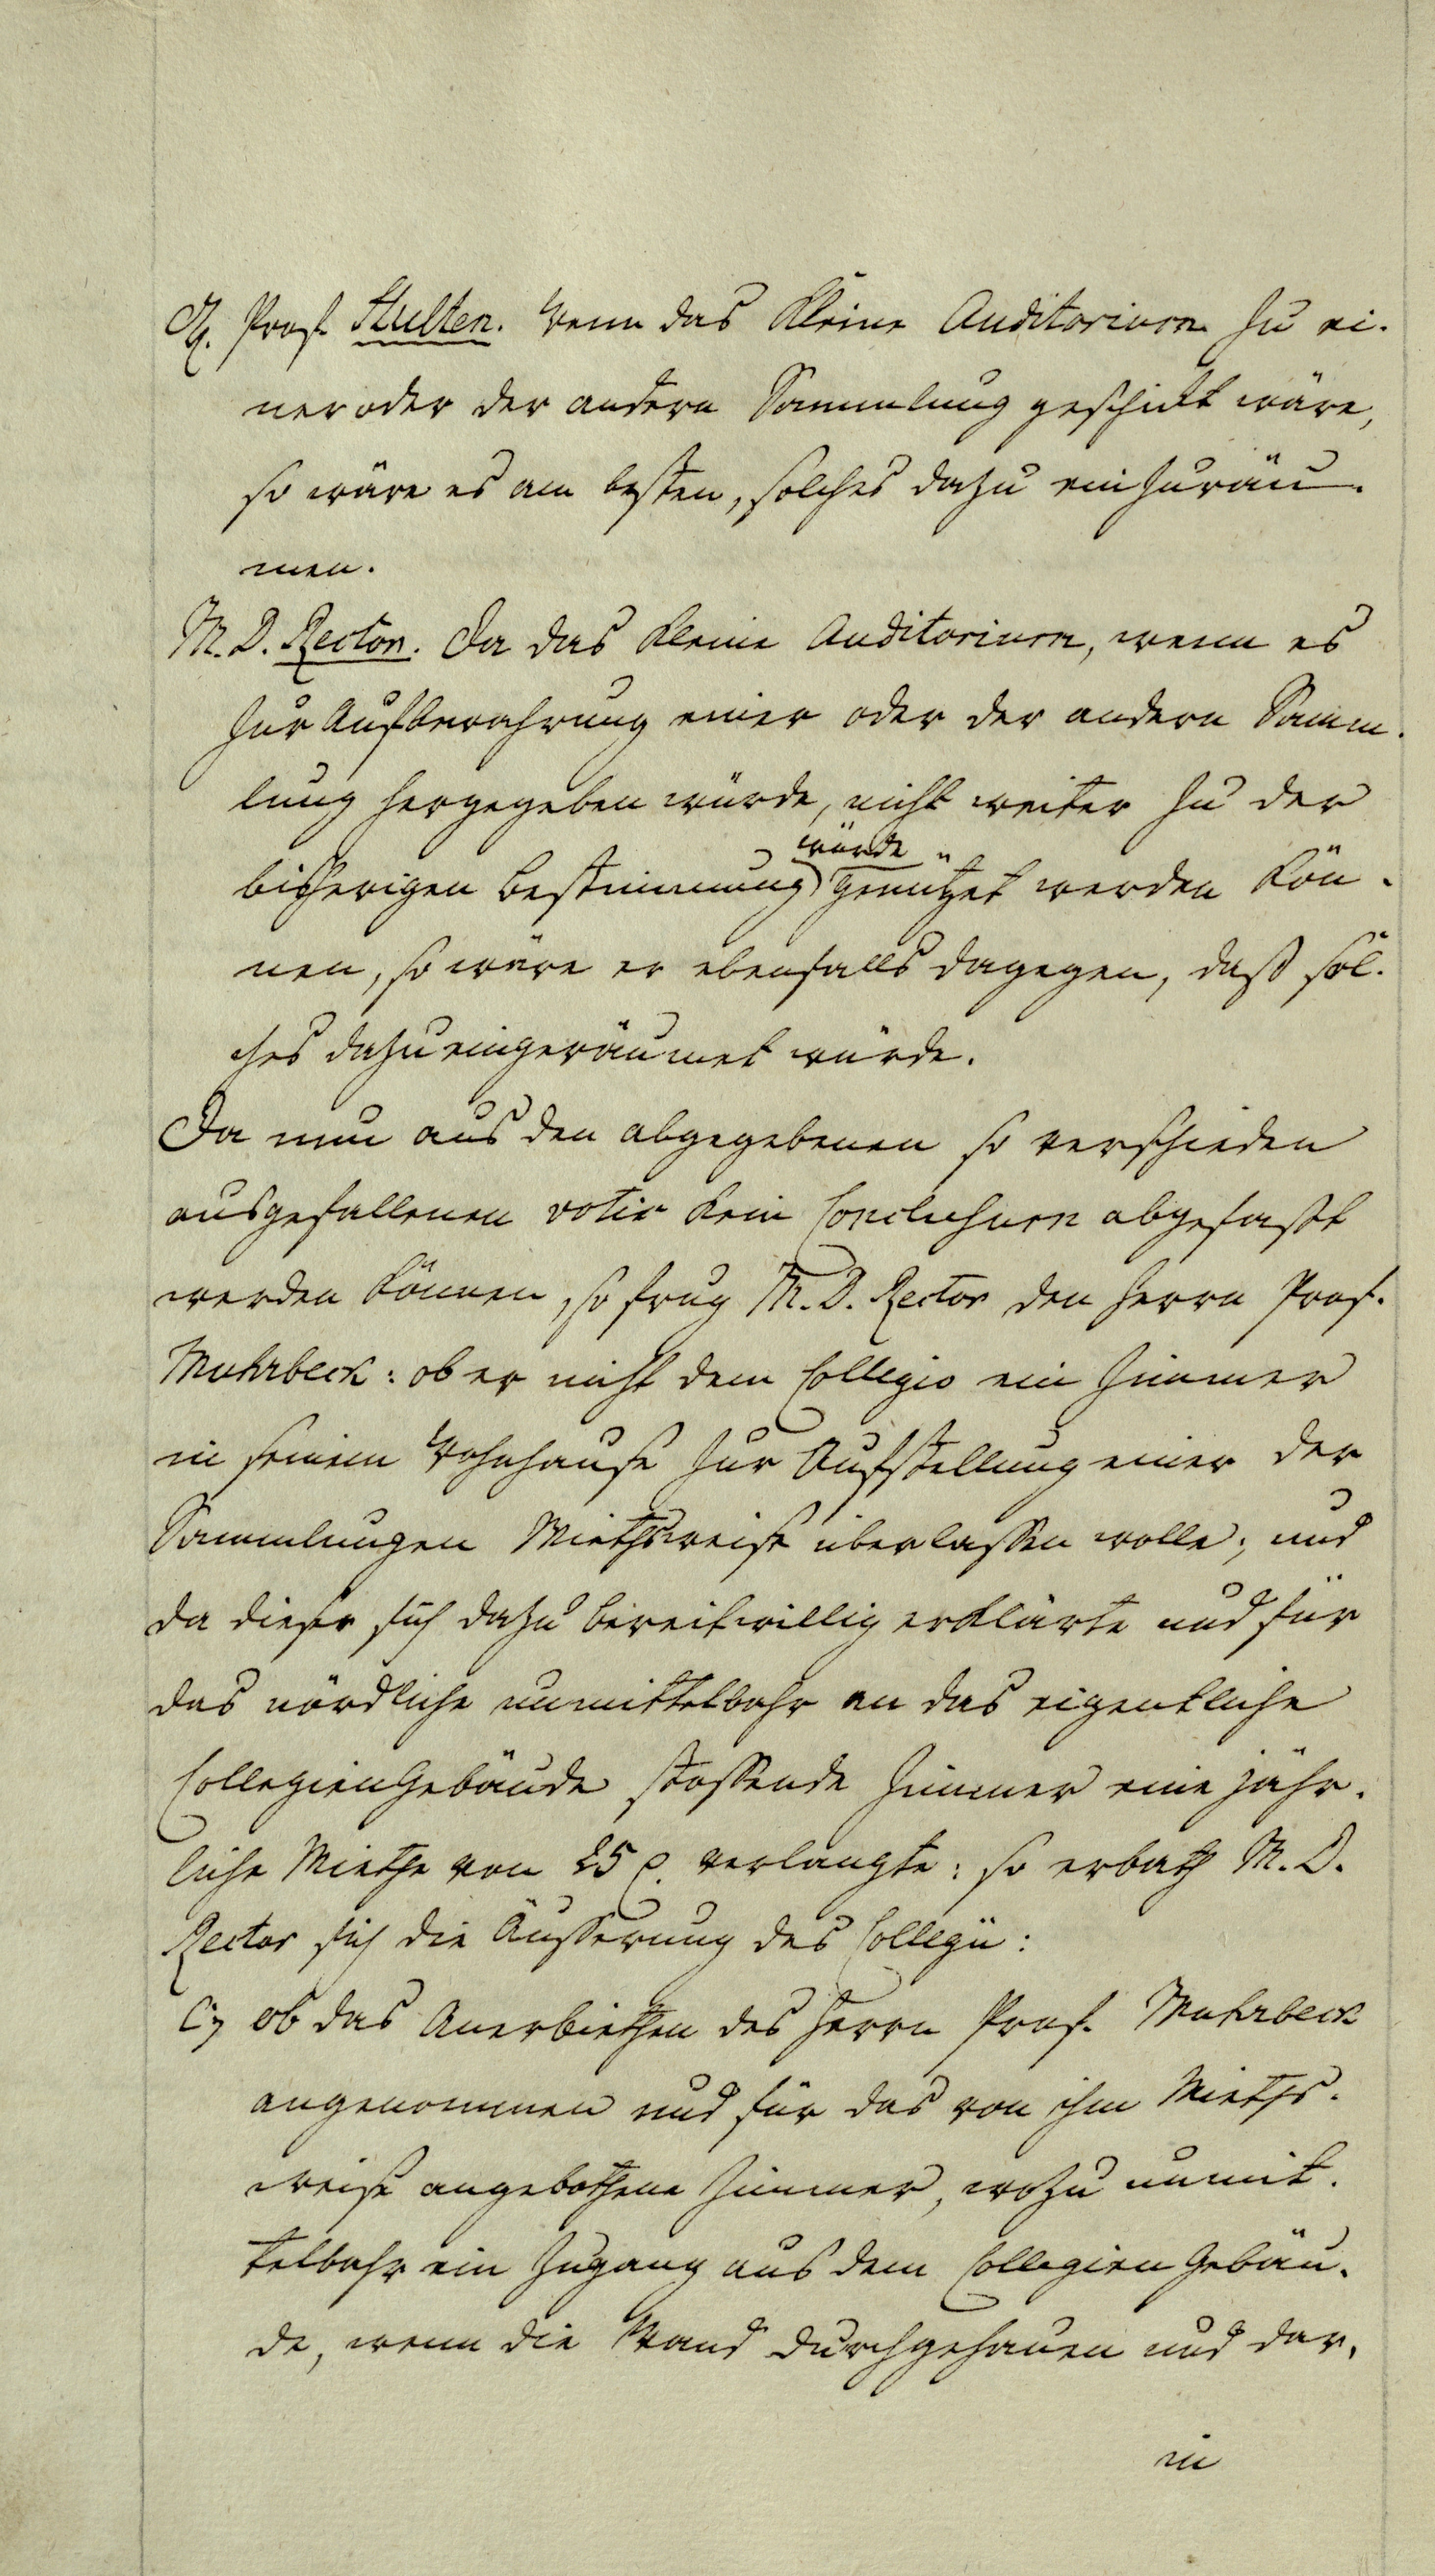dh. Prof. Hulten. Wenn das kleine Auditorium zu ei¬
ner oder der andern Sammlung geschickt wäre,
so wäre es am besten, solches dazu einzuräu¬
men.
M. D. Rector. Da das kleine Auditorium, wenn es
zur Aufbewahrung einer oder der andern Samm¬
lung hergegeben würde, nicht weiter zu der
würde
bisherigen Bestimmung genützet werden kön¬
nen, so wäre er ebenfalls dagegen, daß sol¬
ches dazu eingeräumet würde.
Da nun aus den abgegebenen so verschieden
ausgefallenen votis kein Conclusum abgefaßt
werden können, so frug M. D. Rector den Herrn Prof.
Muhrbeck: ob er nicht dem Collegio ein Zimmer
in seinem Wohnhause zur Aufstellung einer der
Sammlungen Miethsweise überlassen wolle; und
da dieser sich dazu bereitwillig erklärte und für
das nördliche unmittelbahr an das eigentliche
Collegiengebäude stossende Zimmer eine jähr¬
liche Miethe von 25 l. verlangte: so erbath M. D.
Rector sich die Äusserung des Collegii:
c., ob das Anerbiethen des Herrn Prof. Muhrbeck
angenommen und für das von ihm Mieths¬
weise angebothene Zimmer, wozu mit¬
telbahr ein Zugang aus dem Collegien Gebäu¬
de, wenn die Wand durchgehauen und dar¬
in